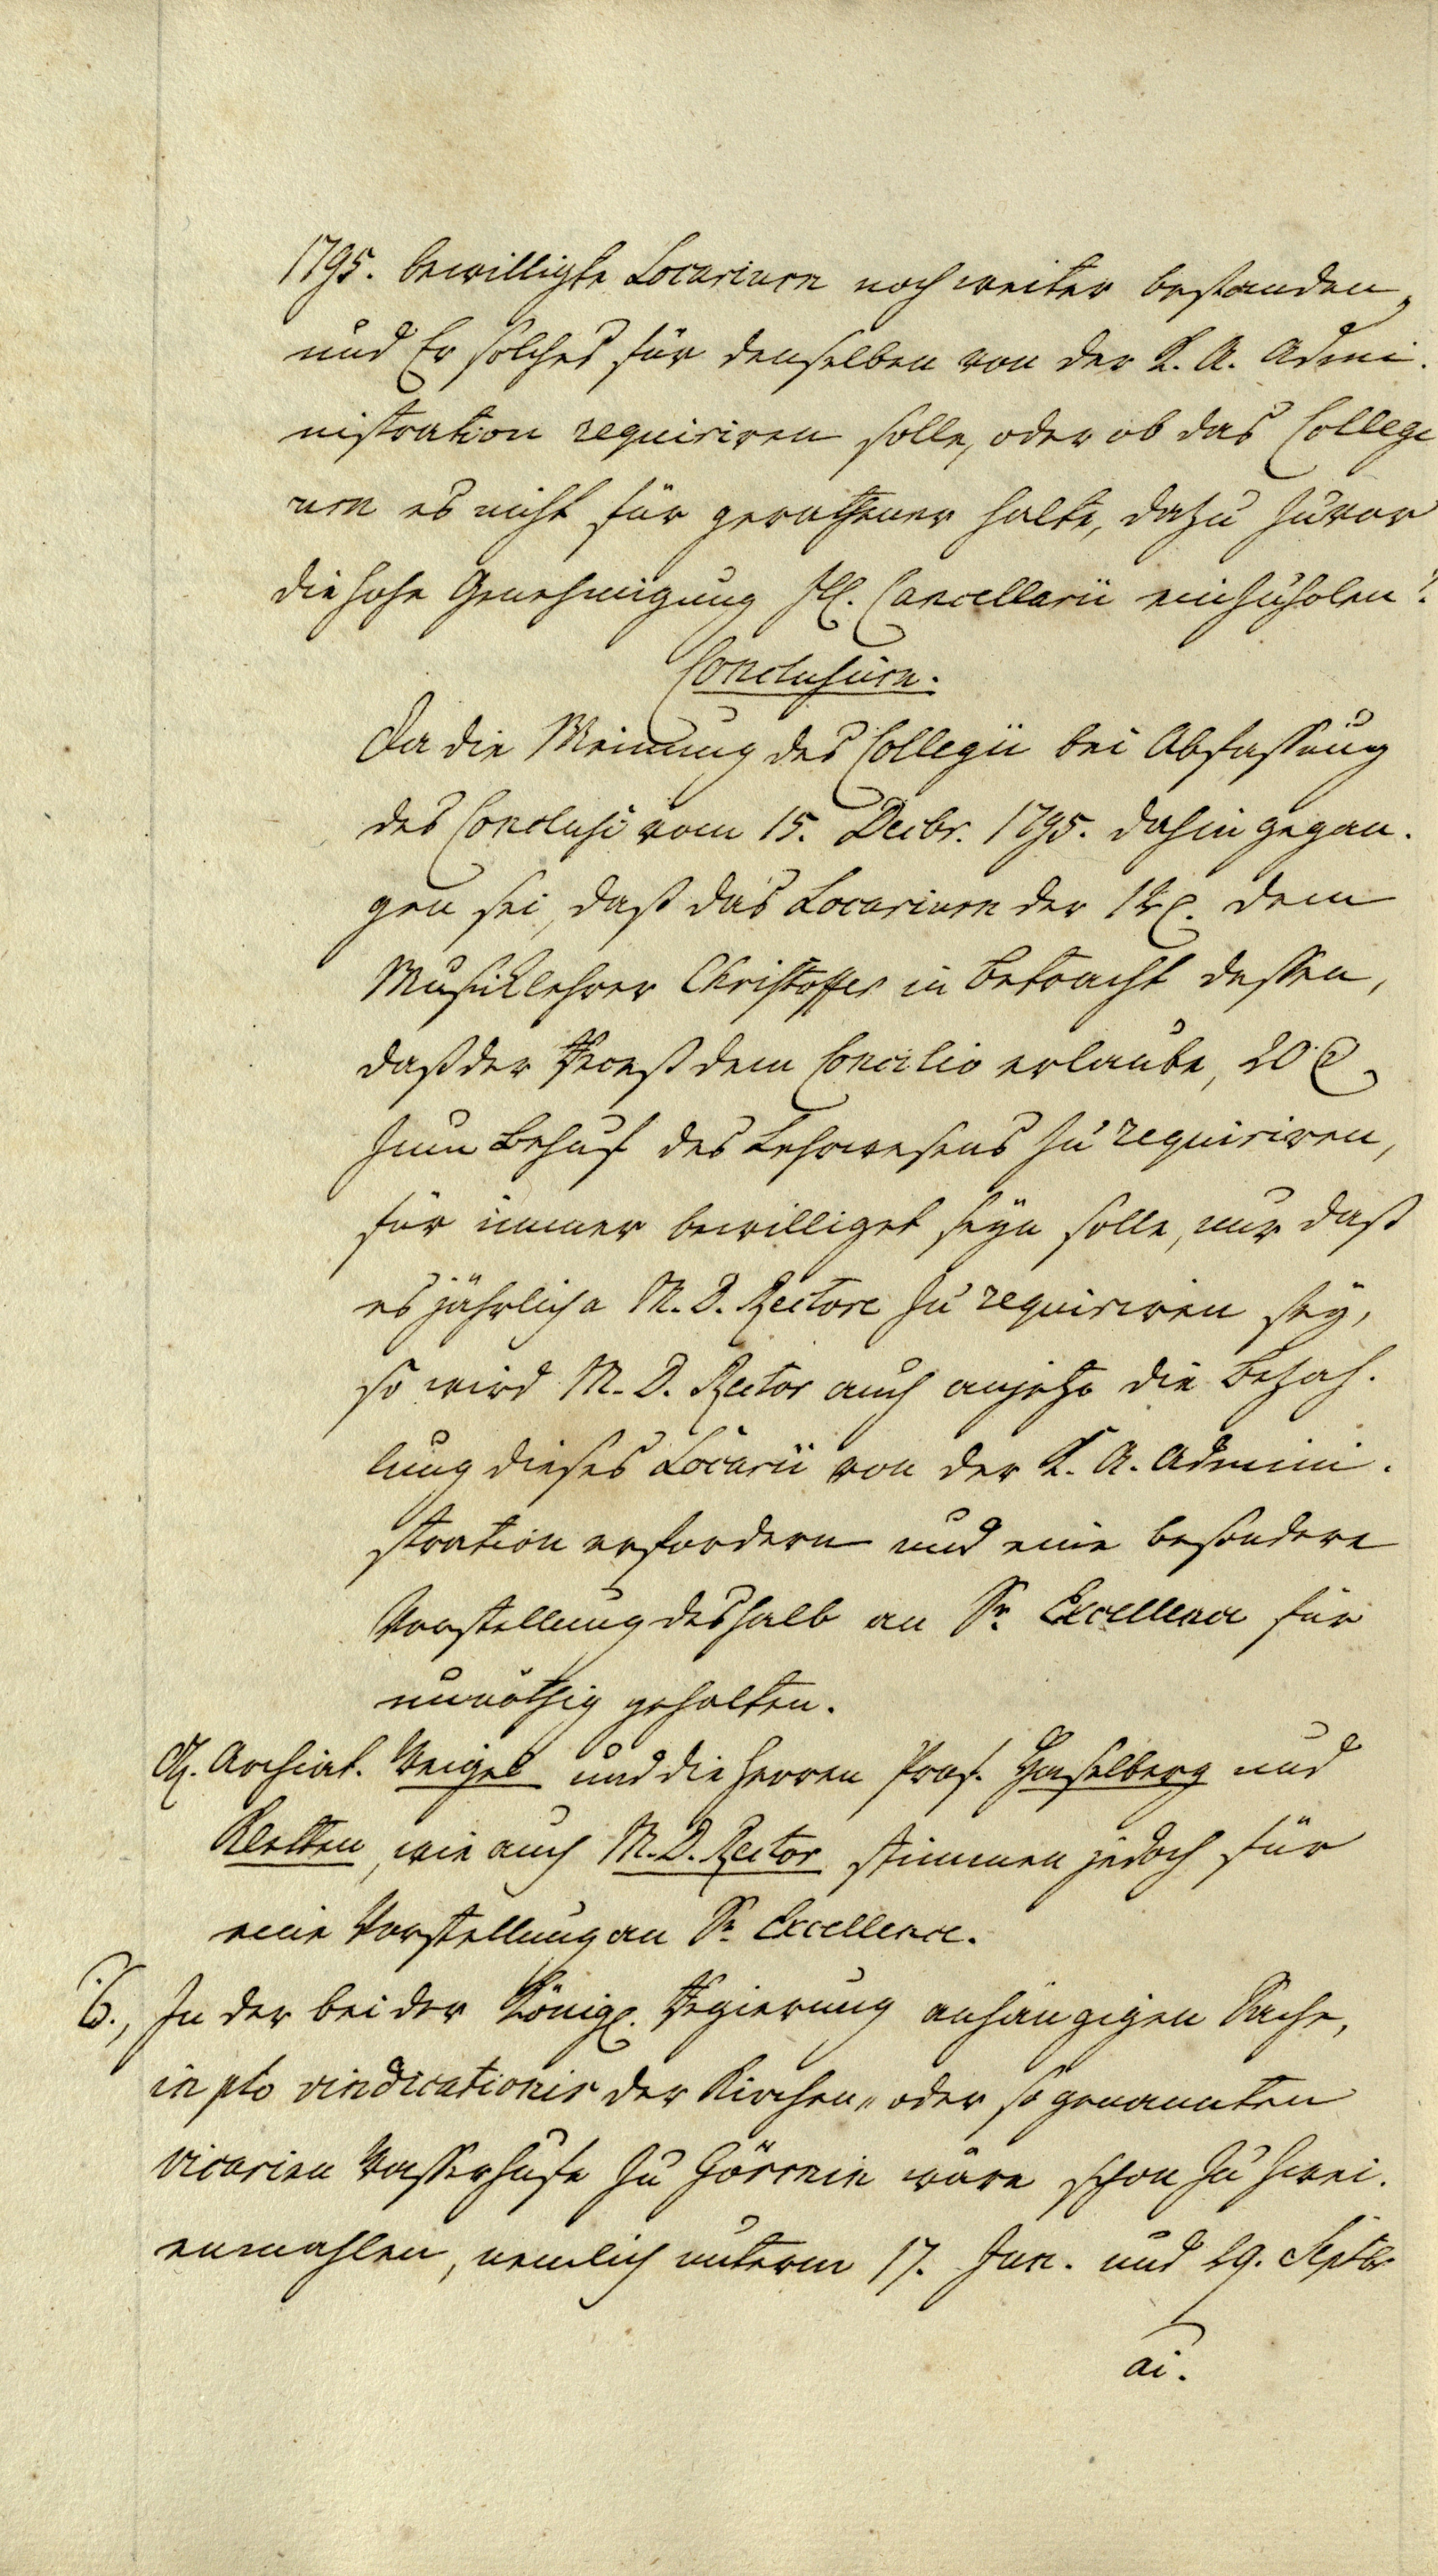1795. bewilligte Locarium noch weiter bestanden
und Er solches für denselben von der K. A. Admi¬
nistration requiriren solle, oder ob das Collegi¬
um es nicht für gerathener halte, dazu zuvor
die hohe Genehmigung Ill. Cancellarii einzuholen?
Conclusum.
Da die Meinung des Collegii bei Abfassung
des Conclusi vom 15. Decbr. 1795. dahin gegan¬
gen sei, daß das Locarium der 12 l. dem
Musicklehrer Christoffer in Betracht dessen,
daß der Receß dem Concilio erlaube, 20 l.
zum Behuf des Lehrwesens zu requiriren,
für immer bewilliget seÿn solle, nur daß
es jährlich a M. D. Rectore zu requiriren seÿ,
so wird M. D. Rector auch anjetzo die Bezah¬
lung dieses Locarii von der K. A. Admini¬
stration erfordern und eine besondere
Vorstellung deshalb an Sr Excellence für
unnöthig gehalten.
dh. Archiat. Weigel und die Herren Prof. Haselberg und
Kletten, wie auch M. D. Rector stimmen jedoch für
eine Vorstellung an Sr Excellence.
6., In der bei der Königl. Regierung anhängigen Sache,
in pto vindicationis der Kirchen, oder so genannten
vicarien Wasserhufe zu Görmin wäre schon zu zwei¬
enmahlen, nemlich unterm 17. Jun. und 29. Septb.
ai.